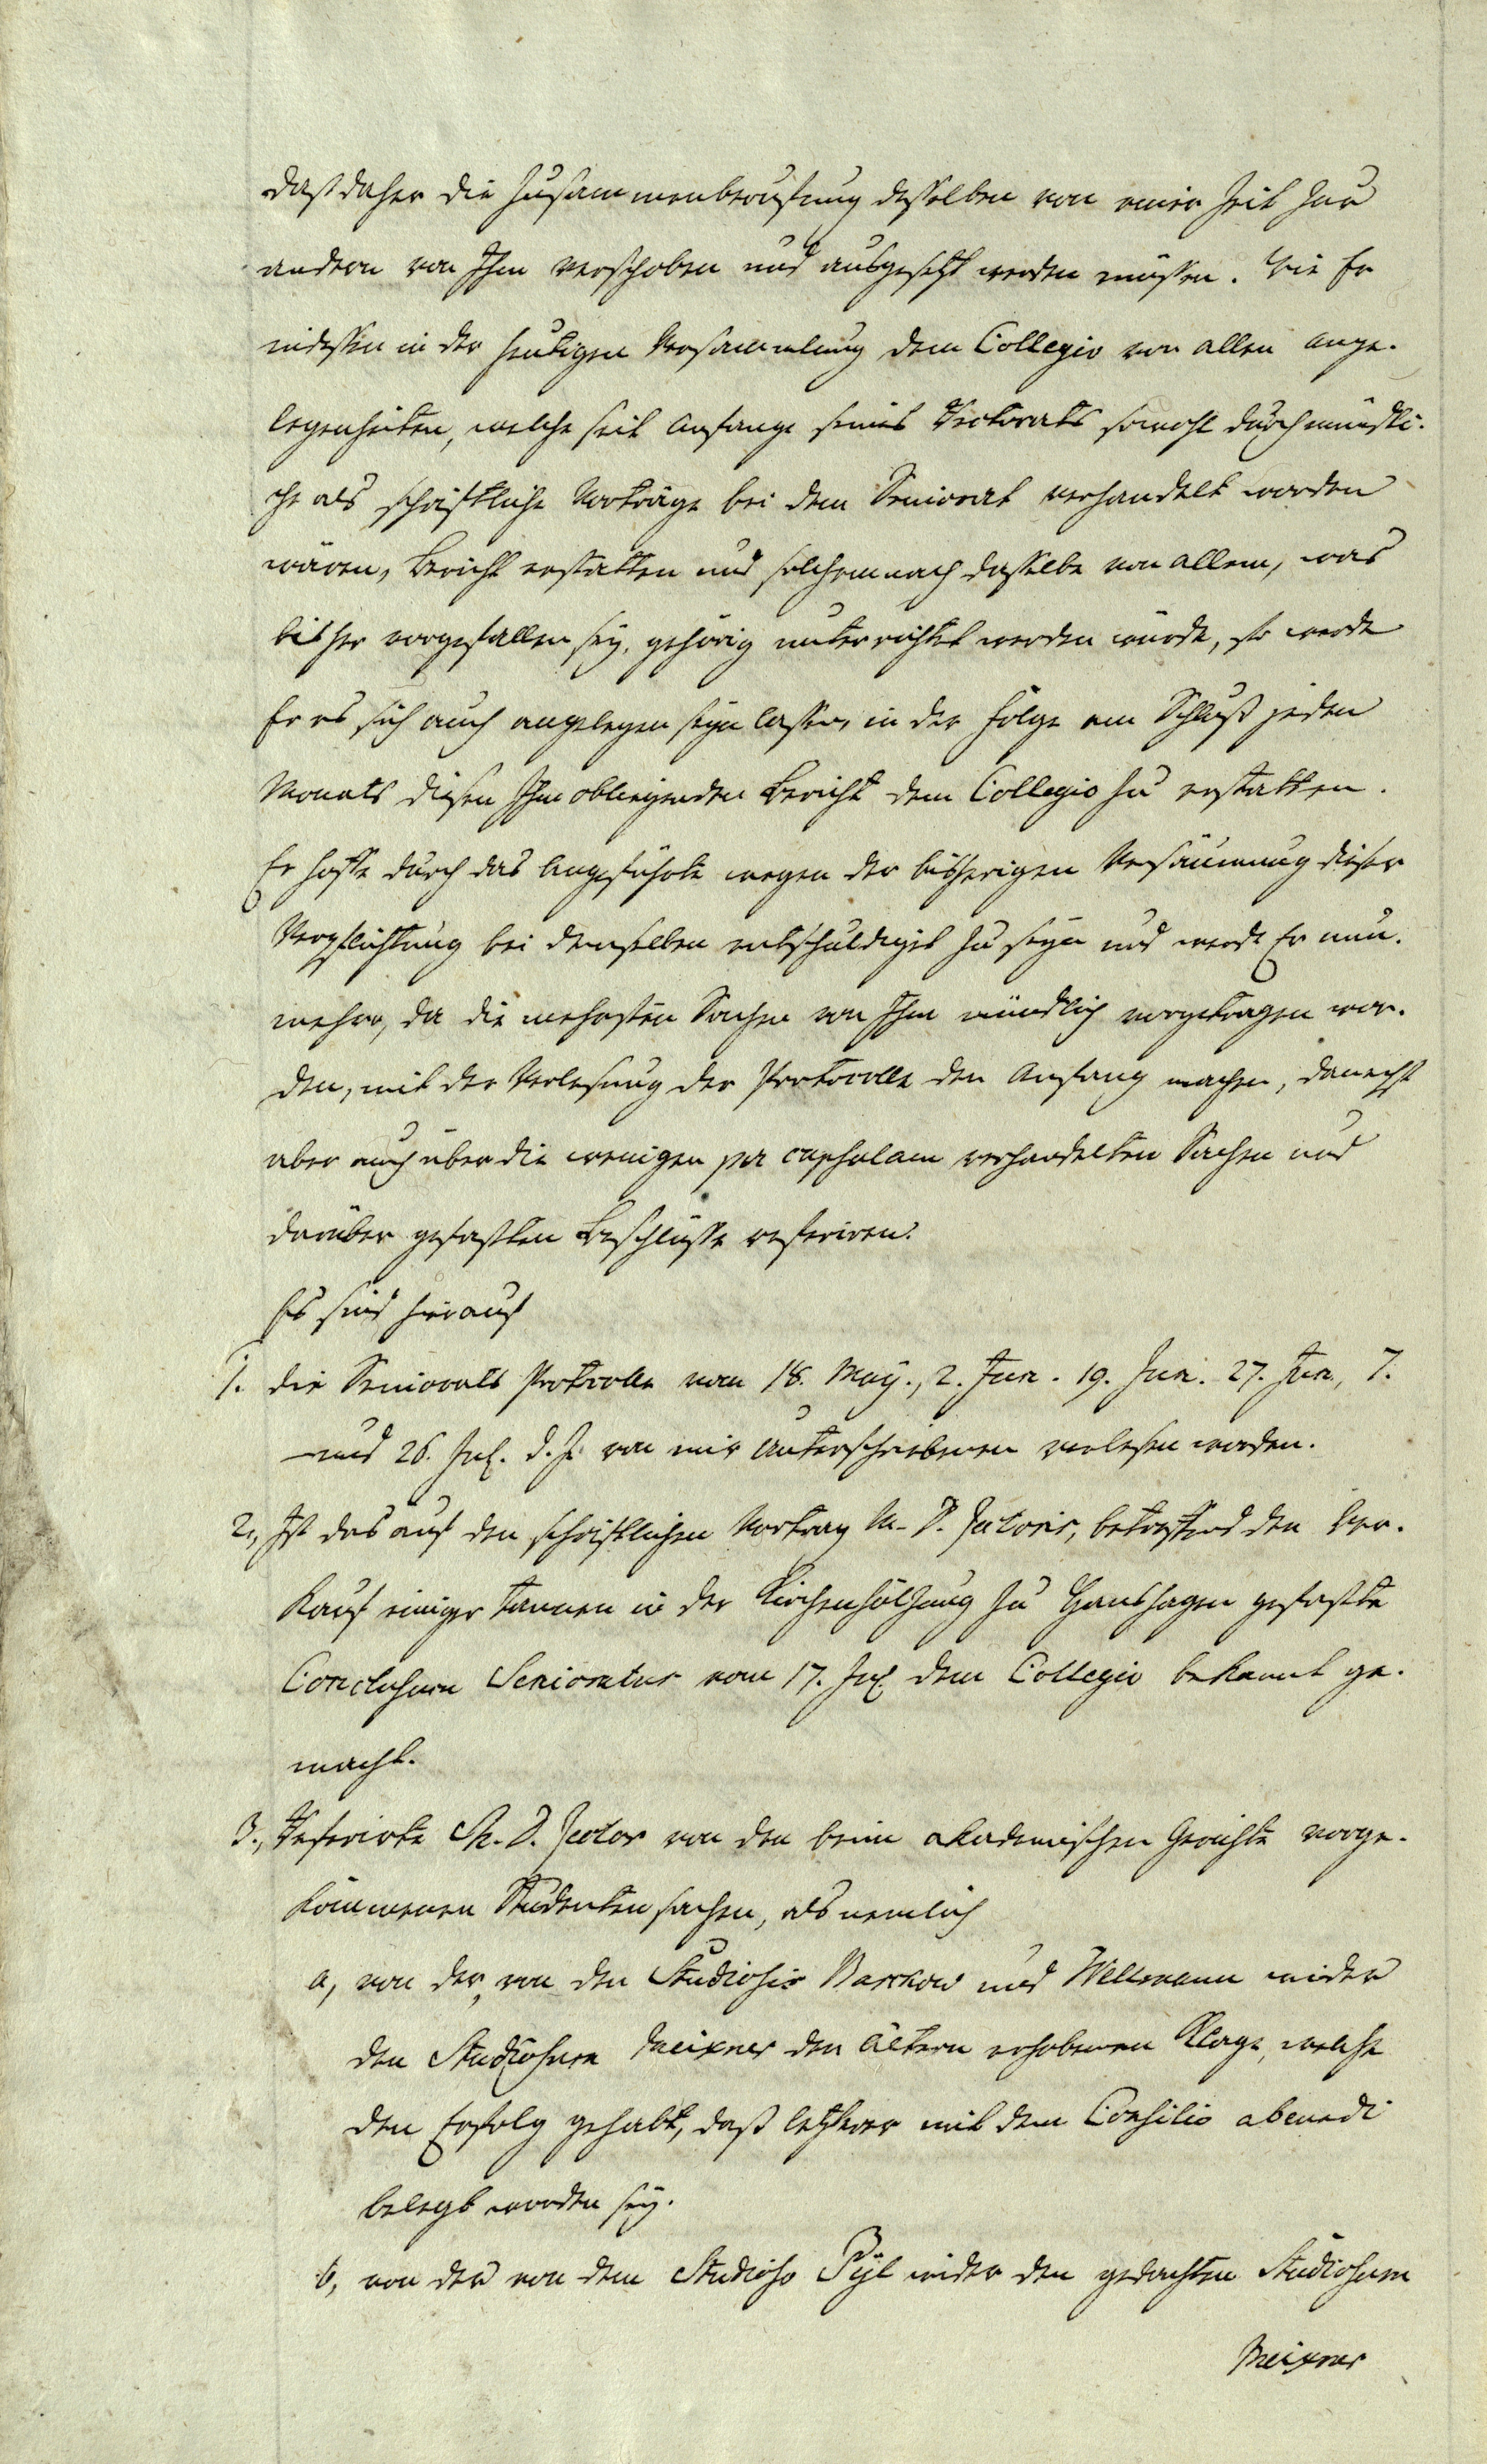daß daher die Zusammenberufung desselben von einer Zeit zur
andern von Ihm verschoben und ausgesetzt werden müssen. Wie Er
indessen in der heutigen Versammlung dem Collegio von allen Ange¬
legenheiten, welche seit Anfange seines Rectorats sowohl durch mündli¬
che als schriftliche Vorträge bei dem Seniorat verhandelt worden
wären, Bericht erstatten und solchemnach dasselbe von allem, was
bisher vorgefallen seÿ, gehörig unterrichtet werden würde, so werde
Er es sich auch angelegen seÿn lassen, in der Folge am Schluß jeden
Monats diesen Ihm obliegenden Bericht dem Collegio zu erstatten.
Er hoffe durch das Angeführte wegen der bisherigen Versäumung dieser
Verpflichtung bei demselben entschuldiget zu seÿn und werde Er nun¬
mehro, da die mehrsten Sachen von Ihm mündlich vorgetragen wor¬
den mit der Verlesung der Protocolle den Anfang machen, danechst
aber auch über die wenigen per capsulam verhandelten Sachen und
darüber gefaßten Beschlüsse referiren.
Es sind hierauf
1. die Seniorats Protocolle vom 18. Maÿ., 2. Jun. 19. Jun. 27. Jun, 7.
und 26. Jul. d. J. von mir Unterschriebenen vorlesen worden.
2., Ist das auf den schriftlichen Vortrag M. D. Rectoris, betreffend den Ver¬
Kauf einiger Tannen in der Kirchenhölzung zu Hanshagen gefaßte
Conclusum Senioratus vom 17. Jul. dem Collegio bekannt ge¬
macht.
3., Referirte M. D. Rector von den beim akademischen Gerichte vorge¬
kommenen Studentensachen, als nemlich
a, von der, von den Studiosis Barckow und Wellmann wider
den Studiosum Meixner den ältern erhobenen Klage, welche
den Erfolg gehabt, daß letzterer mit dem Consilio abeundi
belegt worden seÿ.
b, von der von dem Studioso Pÿl wider den gedachten Studiosum
Meixner